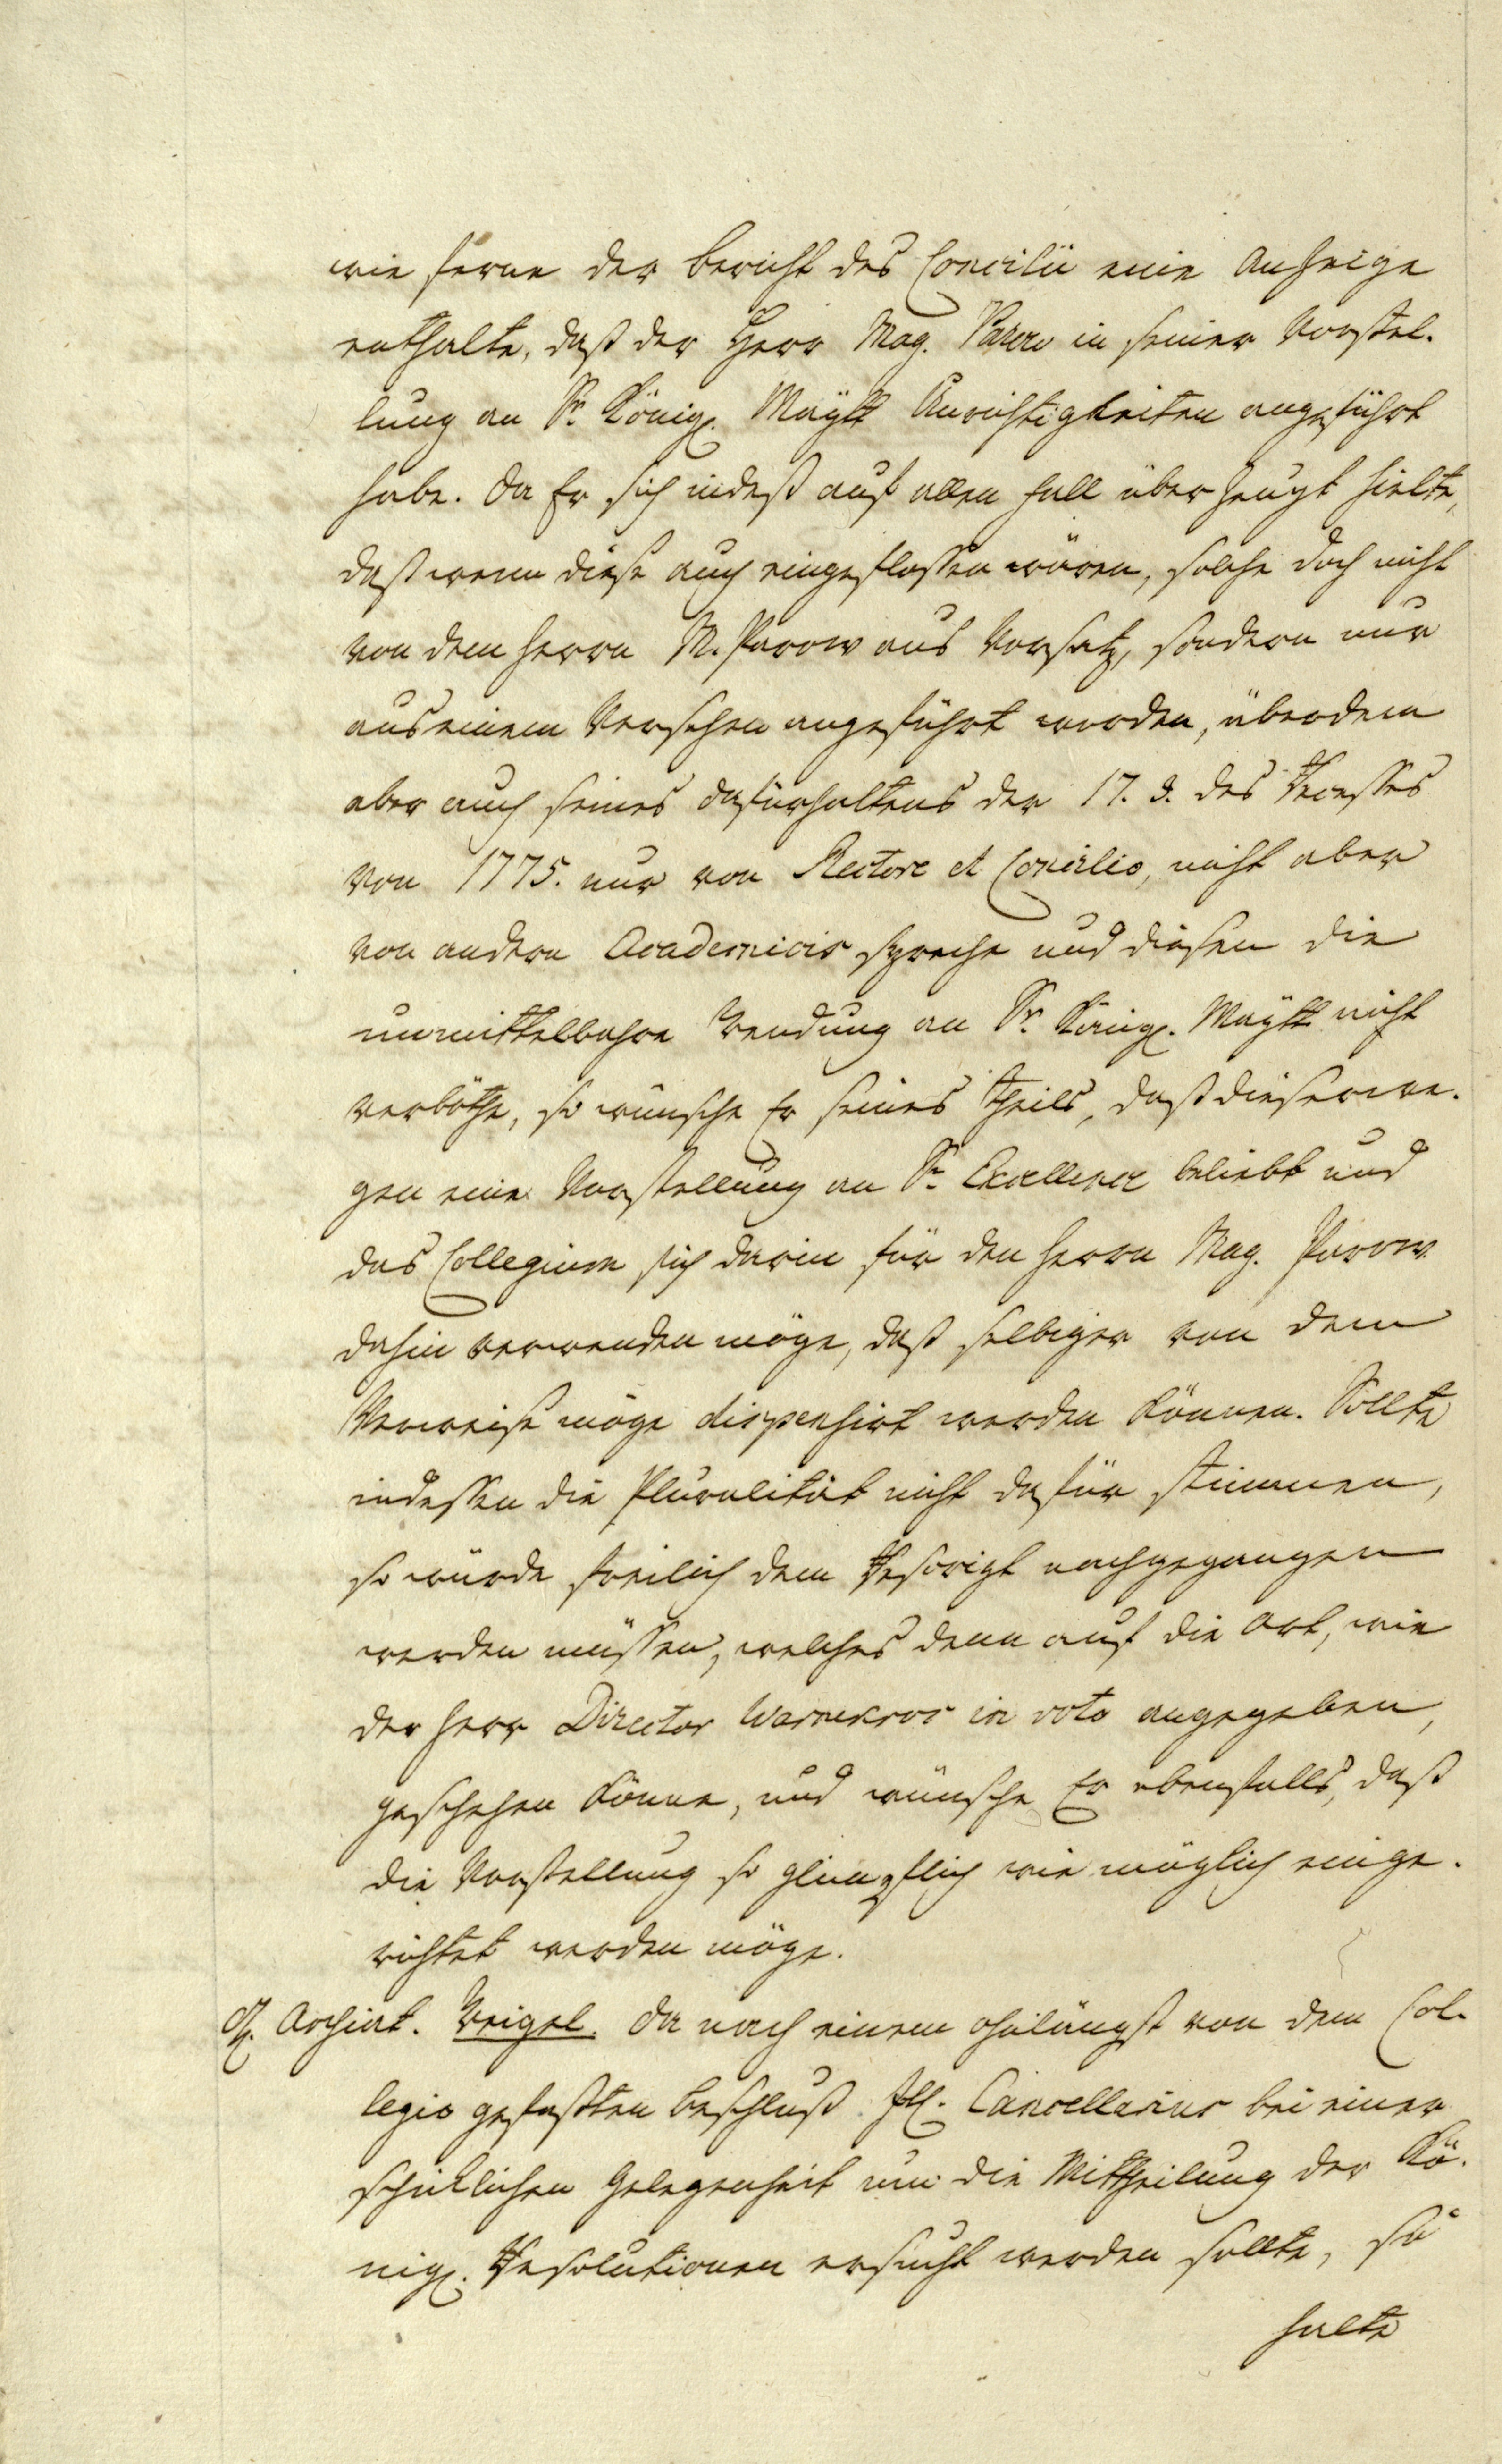wie ferne der Bericht des Concilii eine Anzeige
enthalte, daß der Herr Mag. Parow in seiner Vorstel¬
lung an Sr. Königl. Maÿtt. Unrichtigkeiten angeführt
habe. Da Er sich indeß auf allen Fall überhaupt hielte,
daß wenn diese auch eingeflossen wären, solche doch nicht
von dem herrn M. Parow aus Vorsatz, sondern nur
aus einem Versehen angeführt worden, überdem
aber auch seines dafürhaltens der 17. § des Recesses
von 1775. nur von Rectore et Concilio, nicht aber
von andern Academicis spreche und diesen die
unmittelbahre Wendung an Sr. Königl. Maÿtt. nicht
verböthe, so wünsche Er seines theils daß dieserwe¬
gen eine Vorstellung an Sr. Excellence beliebt und
das Collegium sich darin für den herrn Mag. Parow
dahin verwenden möge, daß selbiger von dem
Verweise möge dispensirt werden können. Sollte
indessen die Pluralität nicht dafür stimmen,
so würde freilich dem Rescript nachgegangen
werden müssen, welches denn auf die Art, wie
der herr Director Warnekros in voto angegeben,
geschehen könne, und wünsche Er ebenfalls, daß
die Vorstellung so glimpflich wie möglich einge¬
richtet werden möge.
dh. Archiat. Weigel. Da nach einem ohnlängst von dem Col¬
legio gefaßten Beschluß Ill. Cancellarius bei einer
schicklichen Gelegenheit um die Mittheilung der Kö¬
nigl. Resolutionen ersucht werden sollte, so
halte